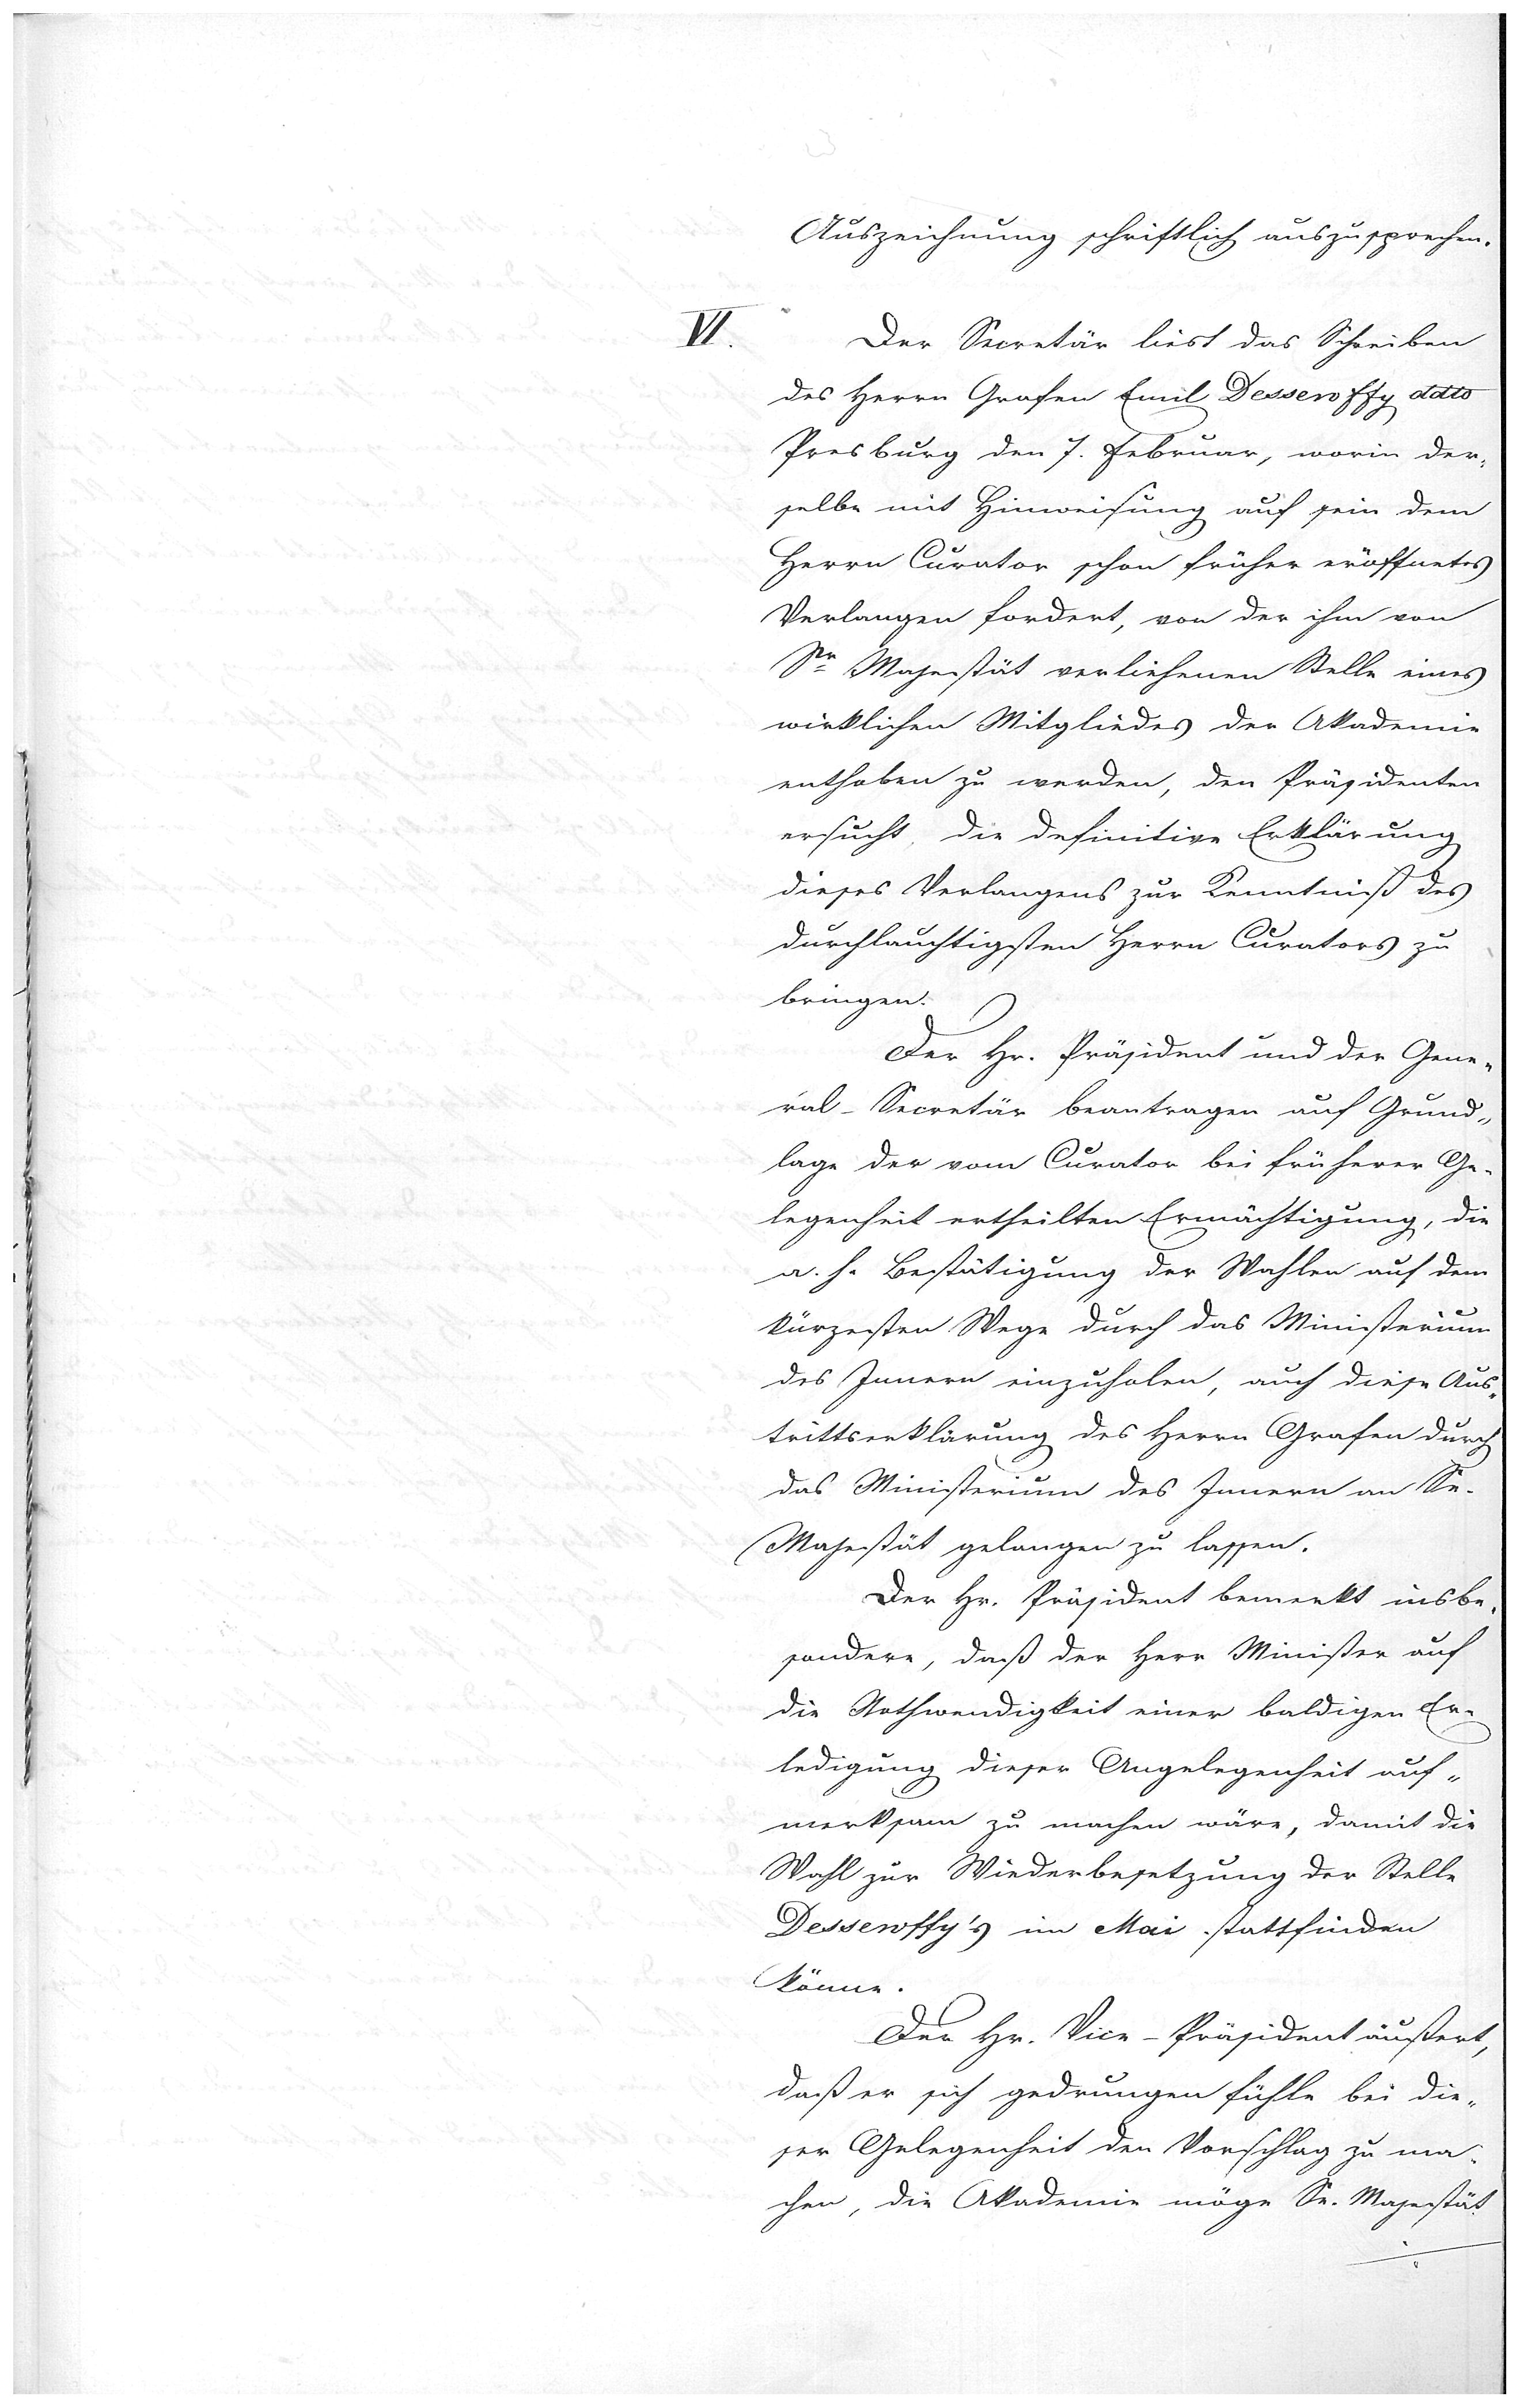Auszeichnung schriftlich ausgesprochen.
VI.
Der Secretär liest das Schreiben
des Herrn Grafen Emil Desseweffy ddto.
Presburg den 7 Februar, worin der-
selbe mit Hinweisung auf sein dem
Herrn Curator schon früher eröffnetes
Verlangen fordert, von der ihm von
Sr Majestät verliehenen Stelle eines
wirklichen Mitgliedes der Akademie
enthoben zu werden, den Präsidenten
ersucht, die definitire Erklärung
dieses Verlangens zur Kenntniß des
durchlauchtigsten Herrn Curators zu
bringen.
Der Hr. Präsident und der Gene-
ral-Secretär beantragen auf Grund-
lage der vom Curator bei früherer Ge-
legenheit ertheilten Ermächtigung, die
a. h. Bestätigung der Wahlen auf dem
kürzesten Wege durch das Ministerium
des Innern einzuholen, auch diese Aus-
trittserklärung des Herrn Grafen durch
das Ministerium des Innern an Se.
Majestät gelangen zu lassen.
Der Hr. Präsident bemerkt insbe-
sondere, daß der Herr Minister auf
die Nothwendigkeit einer baldigen Er-
ledigung dieser Angelegenheit auf-
merksam zu machen wäre, damit die
Wahl zur Wiederbesetzung der Stelle
Dessewffys in Mai stattfinden
könne.
Der Hr. Vice-Präsident äußert,
daß er sich gedrungen fühle bei die-
ser Gelegenheit den Vorschlag zu ma-
chen, die Akademie möge Se. Majestät